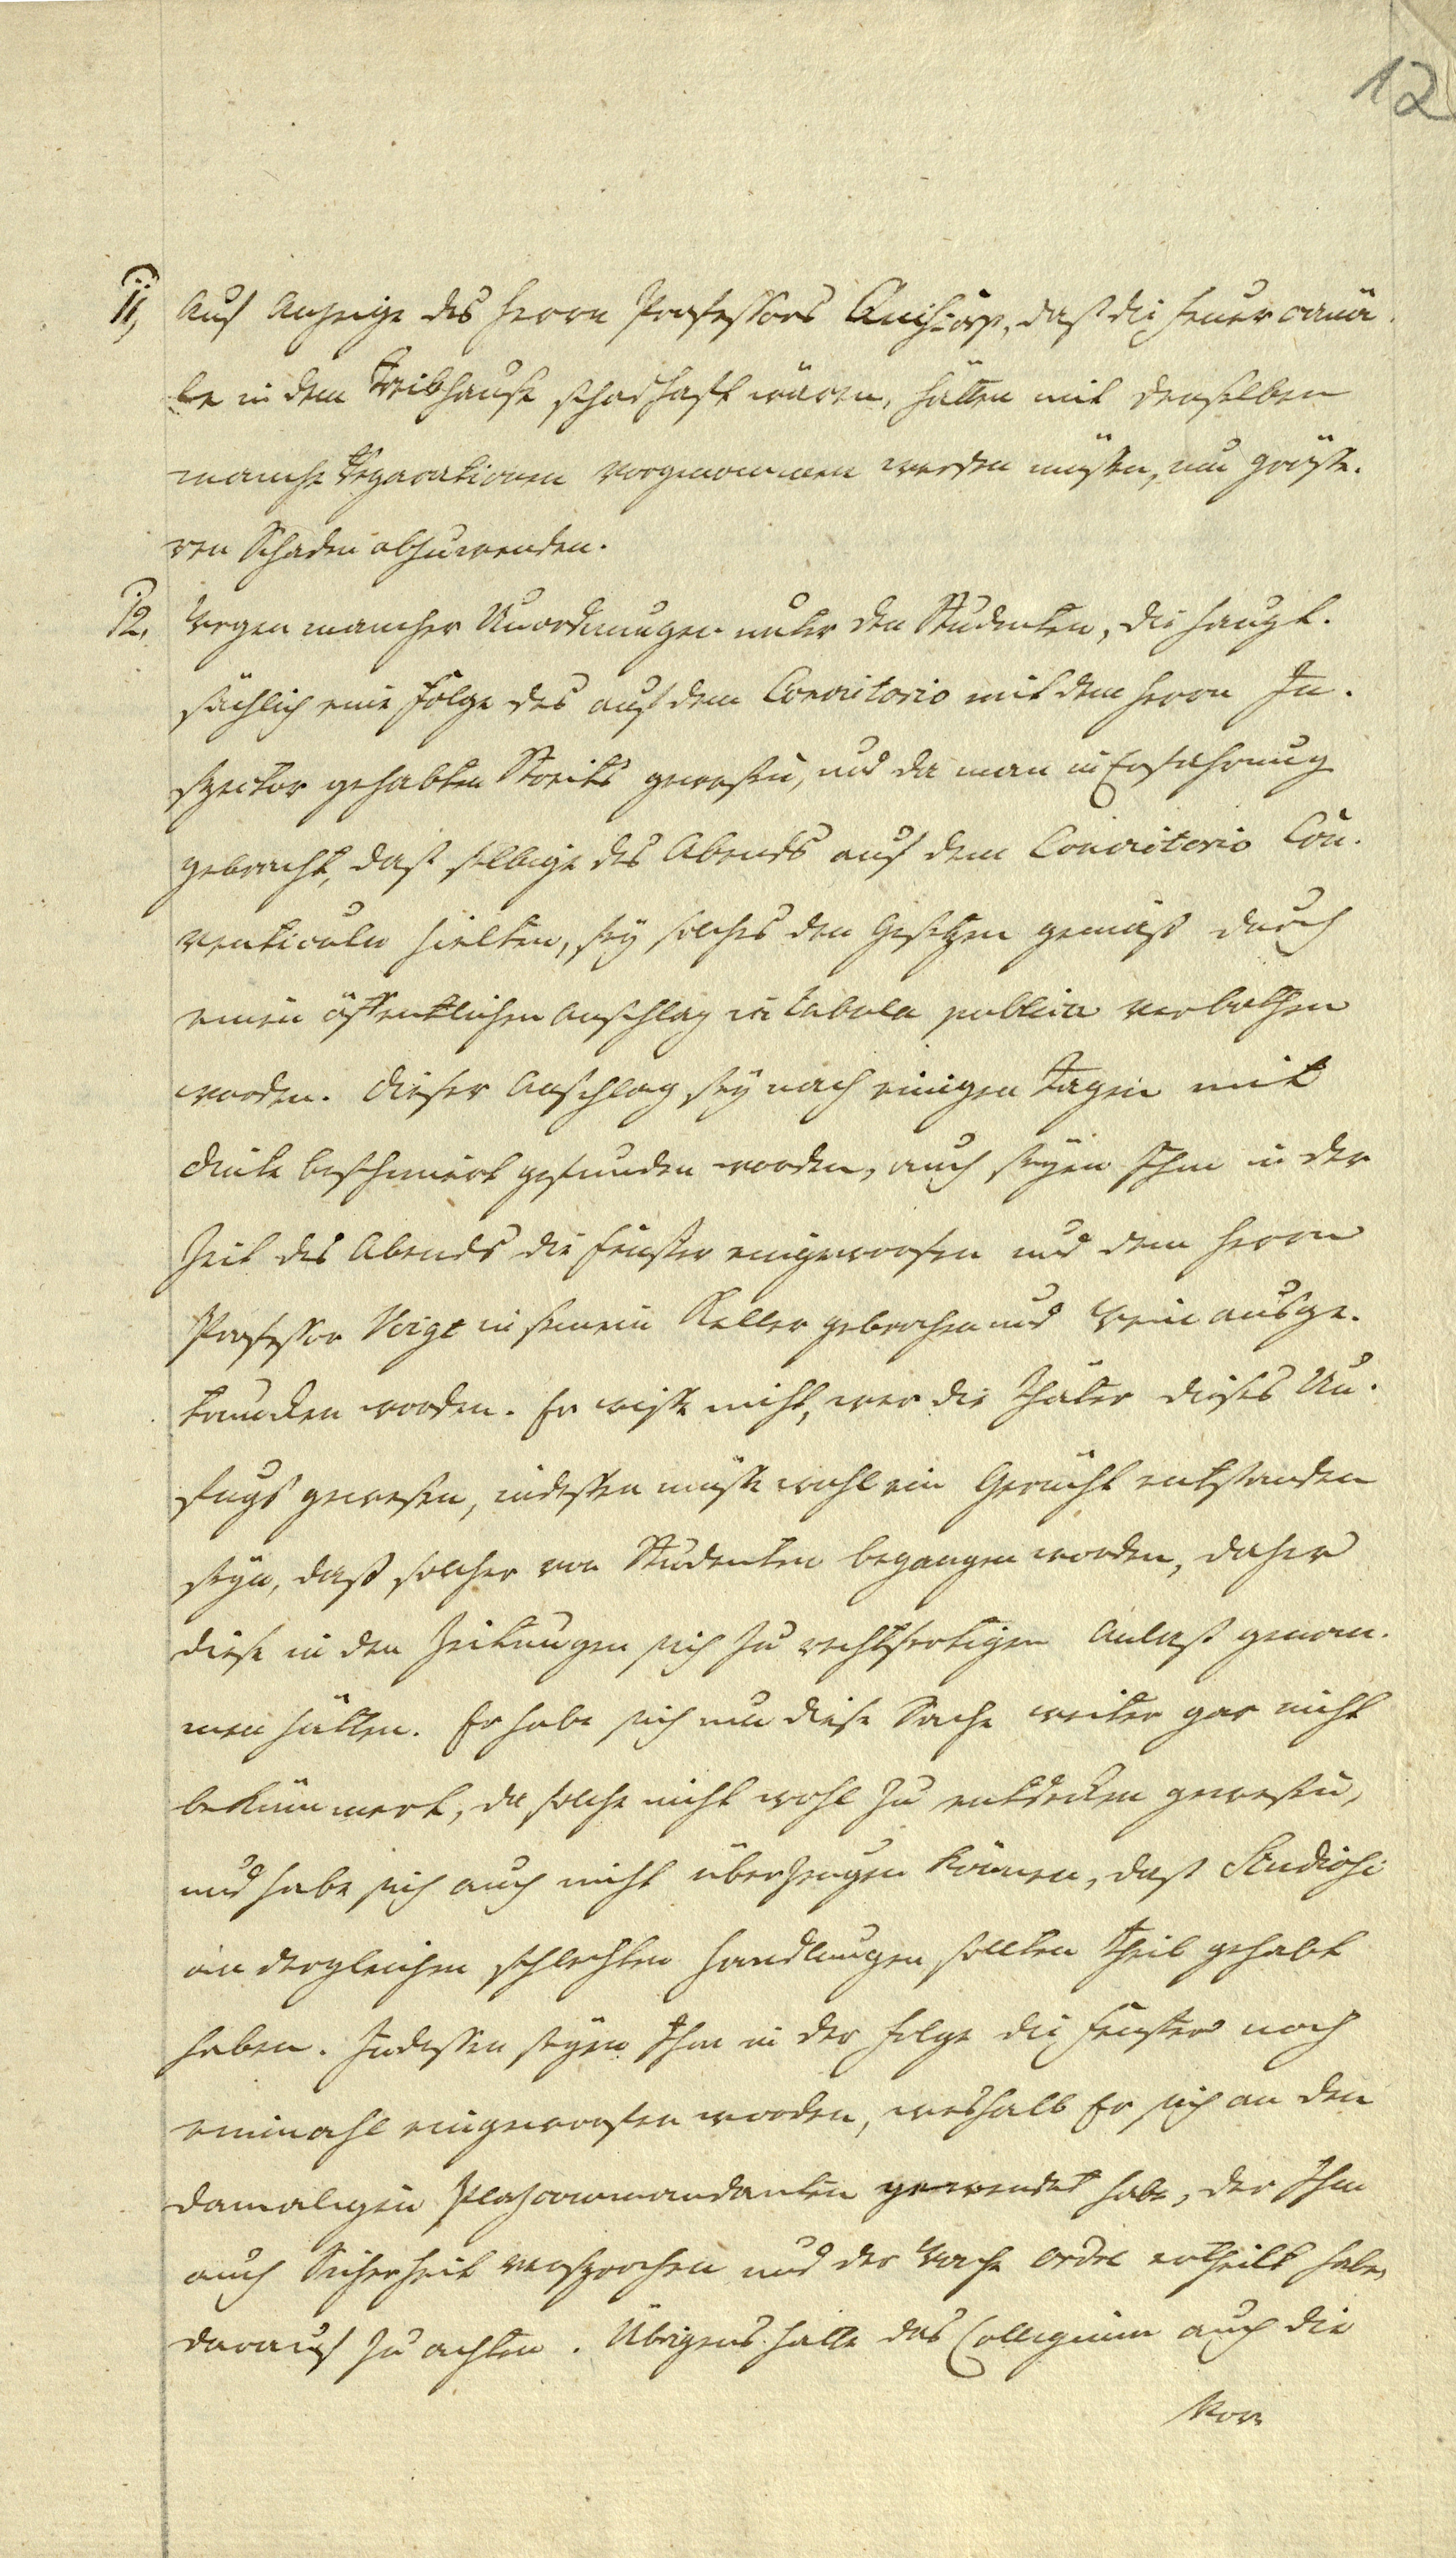11, Auf Anzeige des Herrn Professors Quistorp, daß die Feuercanä¬
le in dem Treibhause schadhaft wären, hätten mit denselben
manche Reparationen vorgenommen werden müssen, um grösse¬
ren Schaden abzuwenden.
12. Wegen mancher Unordnungen unter den Studenten, die haupt¬
sächlich eine Folge des auf dem Convictorio mit dem Herrn In¬
spector gehabten Streits gewesen, und da man in Erfahrung
gebracht, daß selbige des Abends auf dem Convictorio Con¬
venticulu hielten, seÿ solches den Gesetzen gemäß durch
einen öffentlichen Anschlag in tabula publica verbothen
worden. Dieser Anschlag seÿ nach einigen Tagen mit
Dinte beschmirt gefunden worden, auch seÿen Ihm in der
Zeit des Abends die Fenster eingeworfen und dem Herrn
Professor Voigt in seinem Keller gebrochen und Wein ausge¬
truncken worden. Er wisse nicht, wer die Thäter dieses Un¬
fugs gewesen, indessen müsse wohl ein Gerücht entstanden
seÿn, daß solcher von Studenten begangen worden, daher
diese in den Zeitungen sich zu rechtfertigen Anlaß genom¬
men hätten. Er habe sich um diese Sache weiter gar nicht
bekümmert, da solche nicht wohl zu entdecken gewesen,
und habe sich auch nicht überzeugen können, daß Studiosi
an dergleichen schlechten Handlungen sollten Theil gehabt
haben. Indessen seÿen Ihm in der Folge die Fenster noch
einmahl eingeworfen worden, weshalb Er sich an den
damaligen Plazcommandanten gewendet habe, der Ihm
auch Sicherheit versprochen und der Wache Ordre ertheilt habe,
darauf zu achten. Übrigens halte das Collegium auch die
Vor.